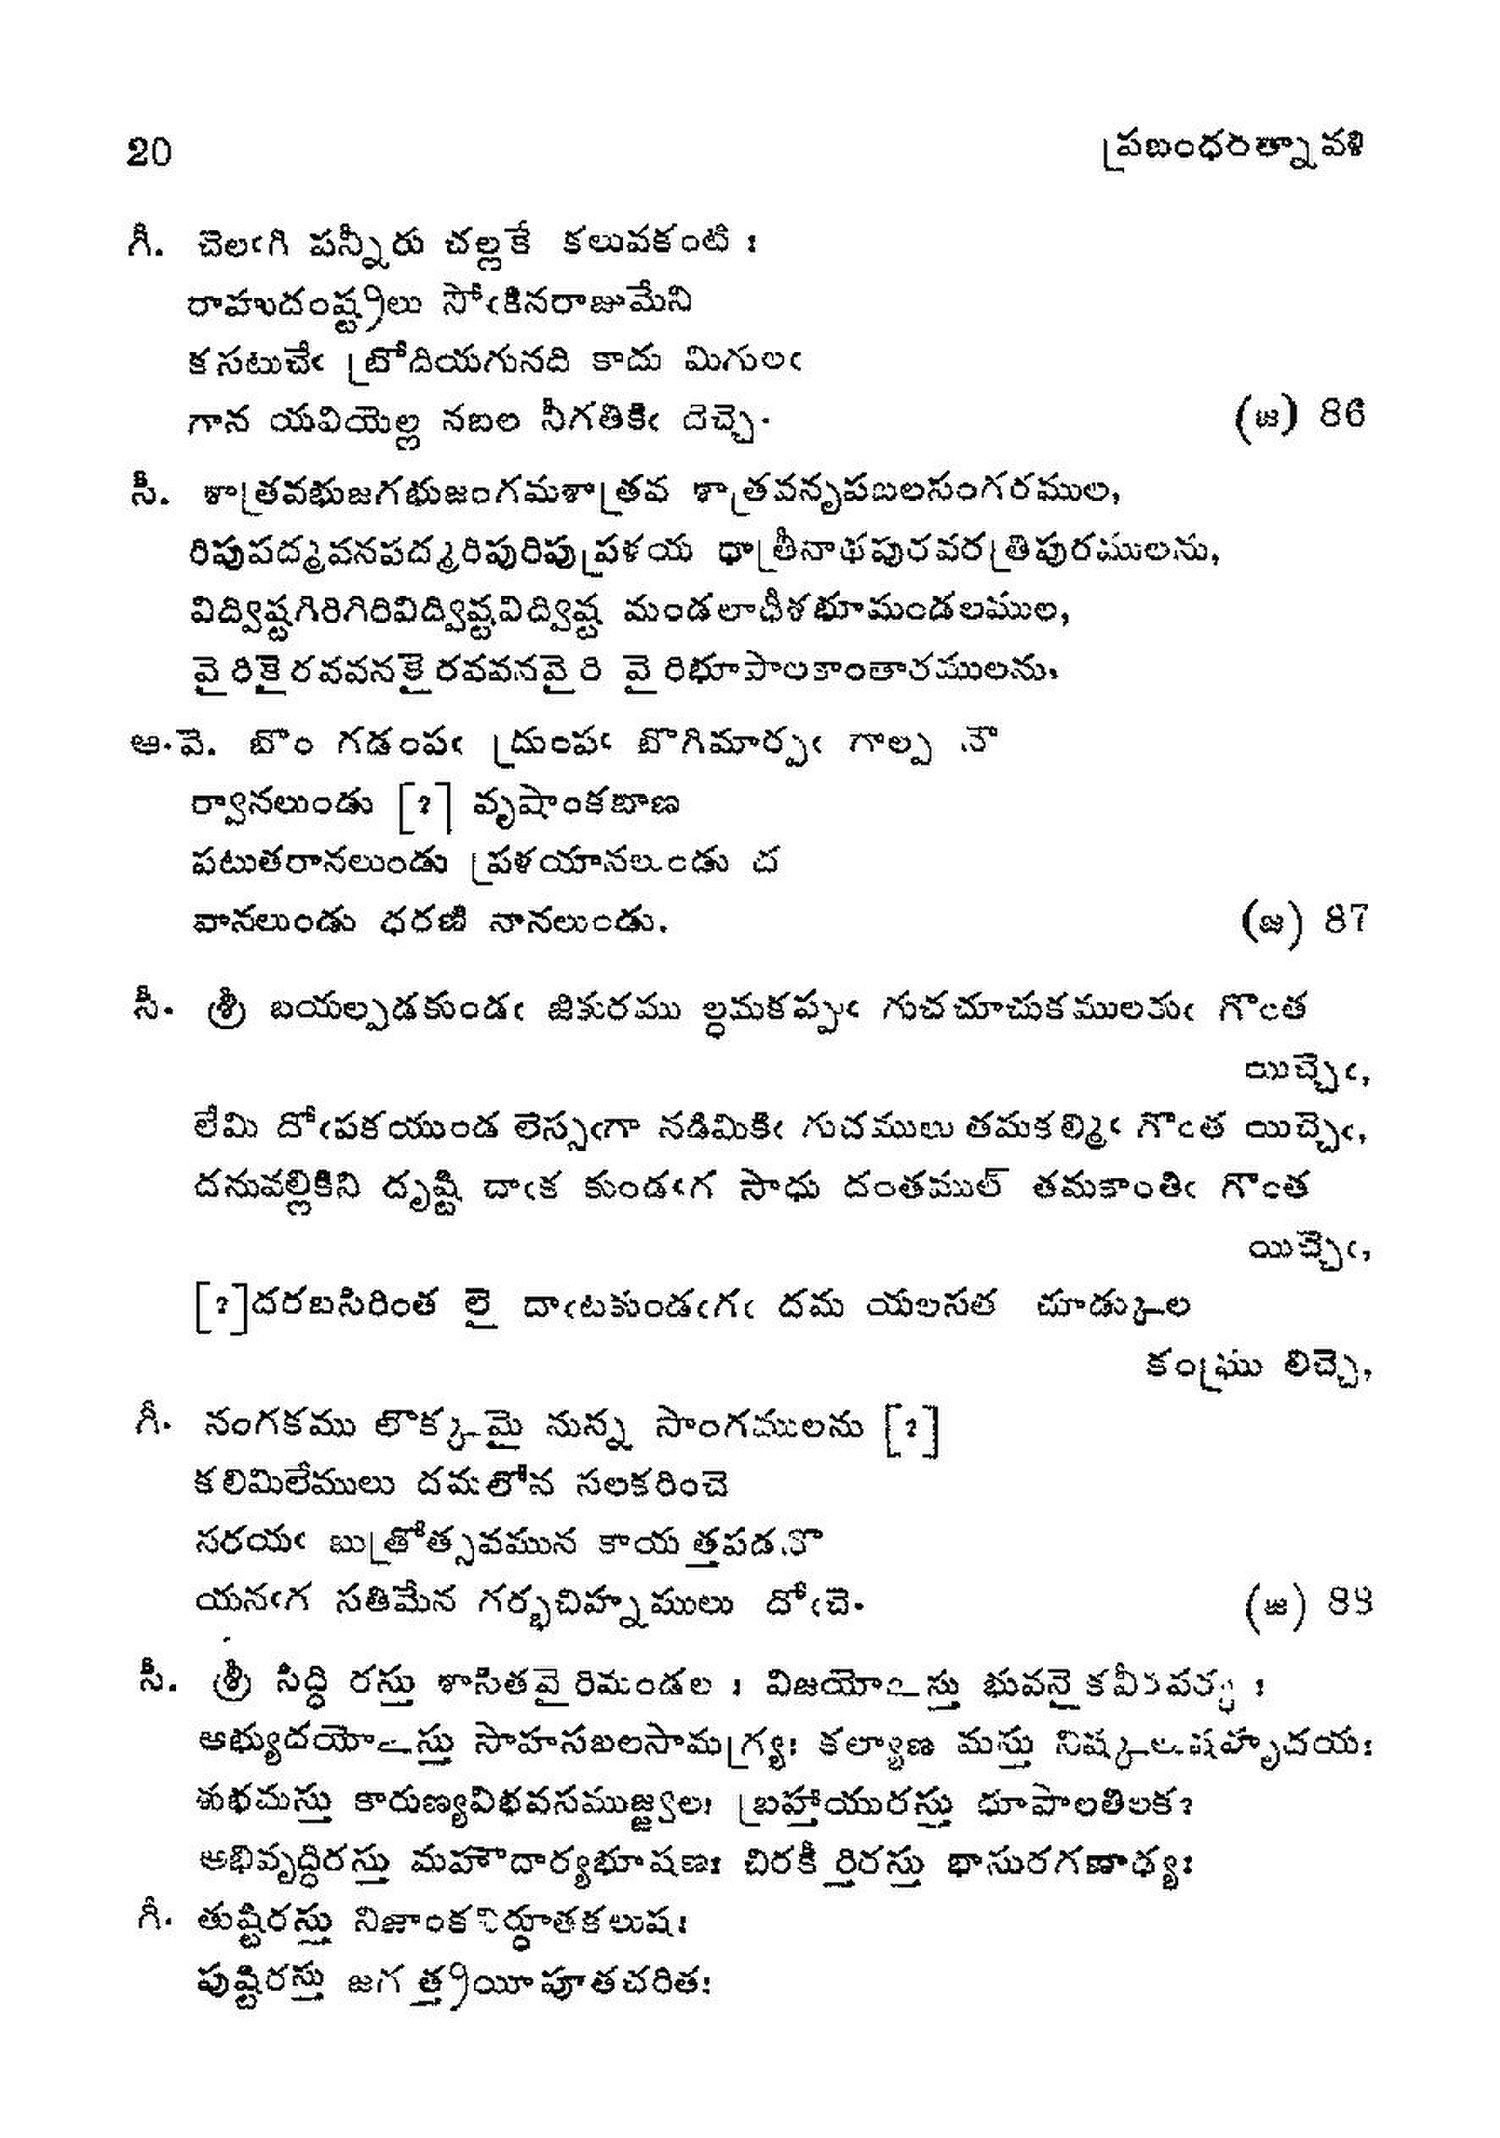గీ. చెలఁగి పన్నీరు చల్లకే కలువకంటి!
రాహుదంష్ట్రలు సోఁకినరాజుమేని
కసటుచేఁ బ్రోదియగునవి కాదు మిగులఁ
గాన యవియెల్ల నబల నీగతికిఁ దెచ్చె. (జ) 86

సీ. శాత్రవభుజగభుజంగమశాత్రవ శాత్రవ నృపబల సంగరముల,
రిపుపద్మవనపద్మ రిపురిపుప్రళయ ధా త్రీనాథపురవర త్రిపురములను,
విద్విష్టగిరిగిరి విద్విష్టవిద్విష్ట మండలాధీశ భూమండలముల,
వైరికైరవ వనకైరవ వనవైరి వైరిభూపాల కాంతారములను,
ఆ. బొంగడంపఁ ద్రుంపఁ బొరిమార్ప గాల్ప నౌ
ర్వానలుండు[?] వృషాంకబాణ
పటుతరానలుండు ప్రళయానలుఁడు ద
వానలుండు ధరణి నానలుండు. (జ) 87

సీ. శ్రీ బయల్పడకుండఁ జికురము ల్దమకప్పుఁ గుచచూచుకములకుఁ గొంత యిచ్చె,
లేమి దోఁపకయుండ లెస్సఁగా నడిమికిఁ గుచములు తమకల్మిఁ గొంత యిచ్చెఁ,
దనువల్లి కనుదృష్టి దాఁక కుండఁగ సాధు దంతముల్ తమకాంతిఁ గొంత యిచ్చెఁ,
[?]దరబసిరింత లై దాఁటకుండఁగఁ దమ యలసత చూడ్కుల కంఘ్రు లిచ్చె,
తే. నంగకము లొక్కమై నున్న సాంగములను[?]
కలిమిలేములు దమలోన నలకరించె
నరయఁ బుత్రోత్సవమున కాయత్తపడెనొ
యనఁగ సతిమేన గర్భచిహ్నములు దోఁచె. (జ) 88

సీ. శ్రీసిద్ధి రస్తు శాసితవైరిమండల! విజయో౽స్తు భువనైకవీరవర్య!
అభ్యుదయో౽స్తు సాహసబలసామగ్ర్య! కల్యాణ మస్తు నిష్కలుషహృదయ!
శుభమస్తు కారుణ్యవిభవసముజ్జ్వల! బ్రహ్మాయురస్తు భూపాలతిలక!
అభివృద్ధిరస్తు మహౌదార్యభూషణ! చిరకీర్తిరస్తు భాసురగుణాఢ్య!
తే. తుష్టిరస్తు నిజాంకనిర్ధూతకలుష!
పుష్టిరస్తు జగత్త్రయీపూరచరిత!